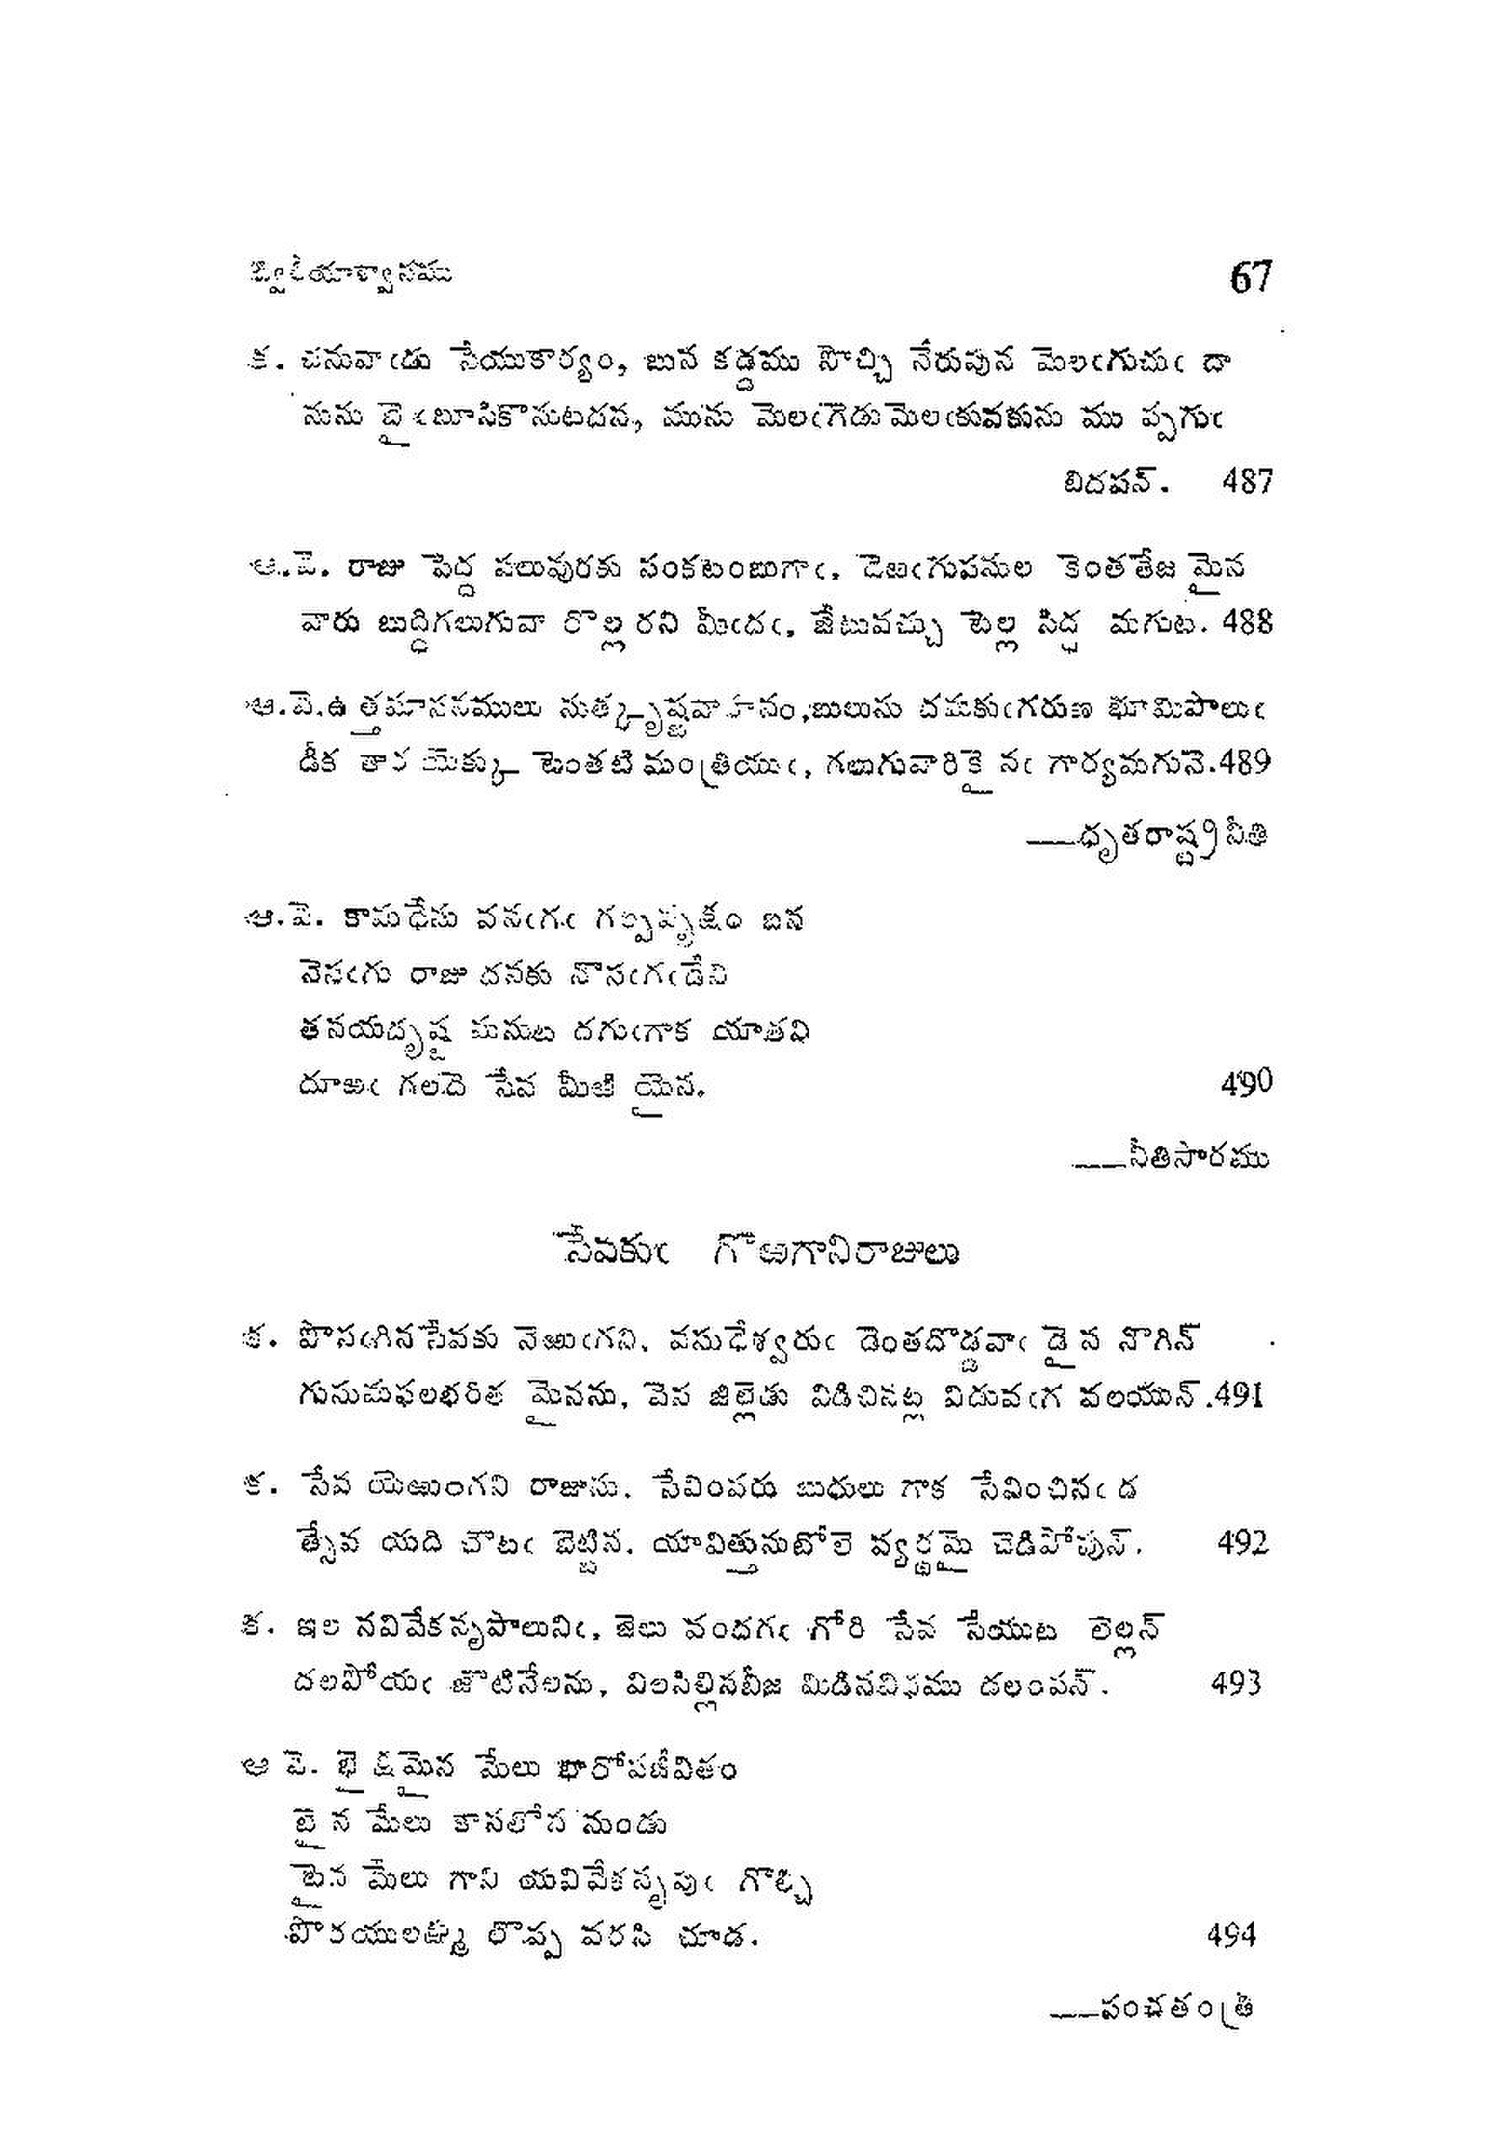క. చనువాఁడు సేయుకార్యం
బున కడ్డము సొచ్చి నేరుపున మెలఁగుచుఁ దా
నును బైఁ బూసికొనుటదన
మును మెలఁగెడు మెలఁకువకును ము ప్పగుఁ బిదపన్. 487

ఆ. రాజు పెద్ద పలువురకు సంకటంబుగాఁ
దెఱఁగుపనుల కెంత తేజ మైన
వారు బుద్ధిగలుగవా రొల్లరని మీఁదఁ
జేటువచ్చు టెల్ల సిద్ధ మగుట. 488

ఆ. ఉత్తమాసనములు నుత్కృష్టవాహనం
బులును దమకుఁ గరుణ భూమిపాలుఁ
డీక తార యెక్కు టెంతటి మంత్రియుఁ
గలుగువారికైనఁ గార్య మగునె. 489

ఆ. కామధేను వనఁగఁ గల్పవృక్షం బన
నెసఁగు రాజు దనకు నొసఁగఁడేని
తనయదృష్ట మనుట దగుఁగాక యాతని
దూఱఁ గలదె సేవ మీఱి యైన. 490
నీతిసారము

క. పొసఁగిన సేవకు నెఱుఁగని
వసుధేశ్వరుఁ డెంత దొడ్డవాఁ డైన నొగిన్
గుసుమఫలభరిత మైనను
వెస జిల్లెడు విడిచినట్ల విడువఁగ వలయున్. 491

క. సేవ యెఱుంగని రాజును
సేవింపరు బుధులు గాక సేవించినఁ ద
త్సేవ యది చౌటఁ బెట్టిన
యావిత్తునుబోలె వ్యర్థమై చెడిపోవున్. 492

క. ఇల నవివేకనృపాలునిఁ
జెలు వందగఁ గోరి సేవ సేయుట లెల్లన్
దలపోయఁ జౌటినేలను
విలసిల్లిన బీజ మిడిన విధము దలంపన్. 493

ఆ. భైక్షమైన మేలు భారోపజీవితం
బైన మేలు కానలోన నుండు
టైన మేలు గాని యవివేకనృపుఁ గొల్చి
పొరయులక్ష్ము లొప్ప వరసి చూడ. 494